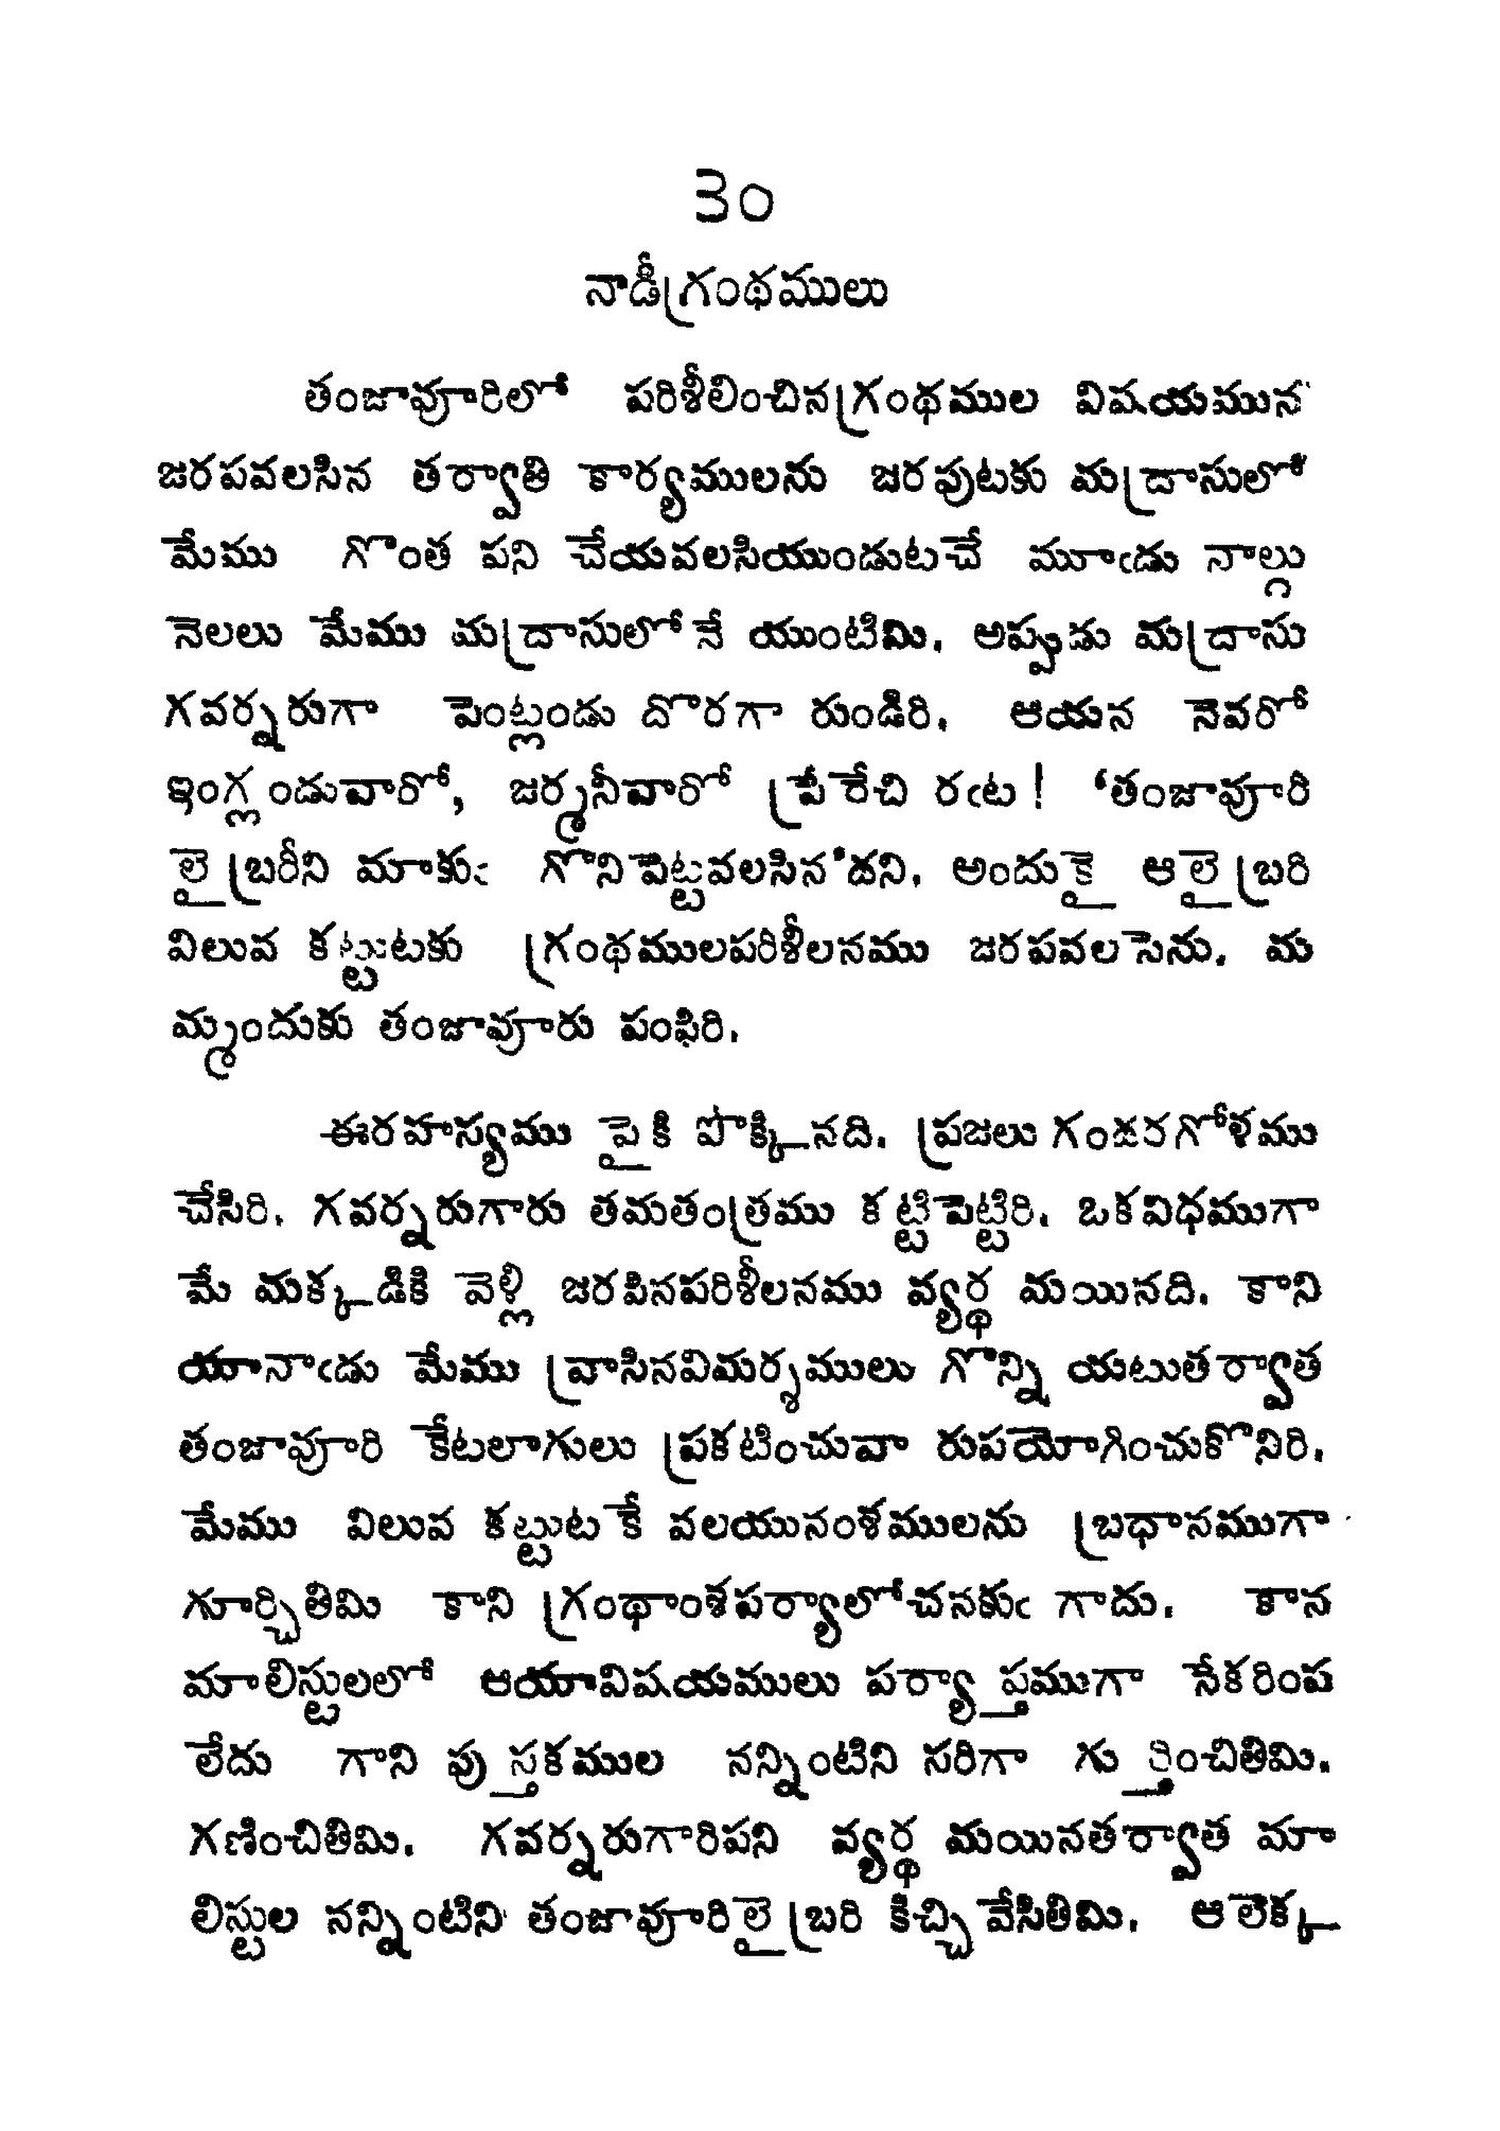తంజావూరిలో పరిశీలించిన గ్రంధముల విషయమున జరపవలసిన తర్వాతి కార్యములను జరపుటకు మద్రాసులో మేము గొంత పని చేయవలసియుండుటచే మూఁడు నాల్గు నెలలు మేము మద్రాసులో నే యుంటిమి. అప్పుడు మద్రాసు గవర్నరుగా పెంట్లండు దొరగా రుండిరి. ఆయన నెవరో ఇంగ్లండు వారో, జర్మనీవారో ప్రేరేచి రఁట!' తంజావూరి విలువ కట్టుటకు గ్రంధముల పరిశీలనము జరుప వలసెను. మమ్మందుకు తంజావూరు పంపిరి.

ఈ రహస్యము పైకి పొక్కినది. ప్రజలు గందరగోళము చేసిరి. గవర్నరుగారు తమ తంత్రము కట్టిపెట్టిరి. ఒక విధముగా మే మక్కడికి వెళ్ళి జరపిన పరిశీలనము వ్యర్ధమయినది. కాని యానాఁడు మేము వ్రాసిన విమర్శములు గొన్ని యటుతర్వాత తంజావూరి కేటలాగులు ప్రకటించువా రుపయోగించుకొనిరి. మేము విలువ కట్టుట కేవలయు నంశములను బ్రధానముగాగూర్చితిమి. కాని గ్రంధాంశపర్యాలోచానకుఁ గాదు. కాన మా లిస్టులలో ఆ యావిషయములు పర్వాప్తముగా సేకరింప లేదు గాని పుస్తకముల నన్నింటిని సరిగా గుర్తించితిమి గణించితిమి. గవర్నరు గారిపనివ్యర్ధమయిన తర్వాత మా లిస్టులనన్నింటిని తంజావూరి లైబ్రరీ కిచ్చి వేసితిమి. ఆలెక్క